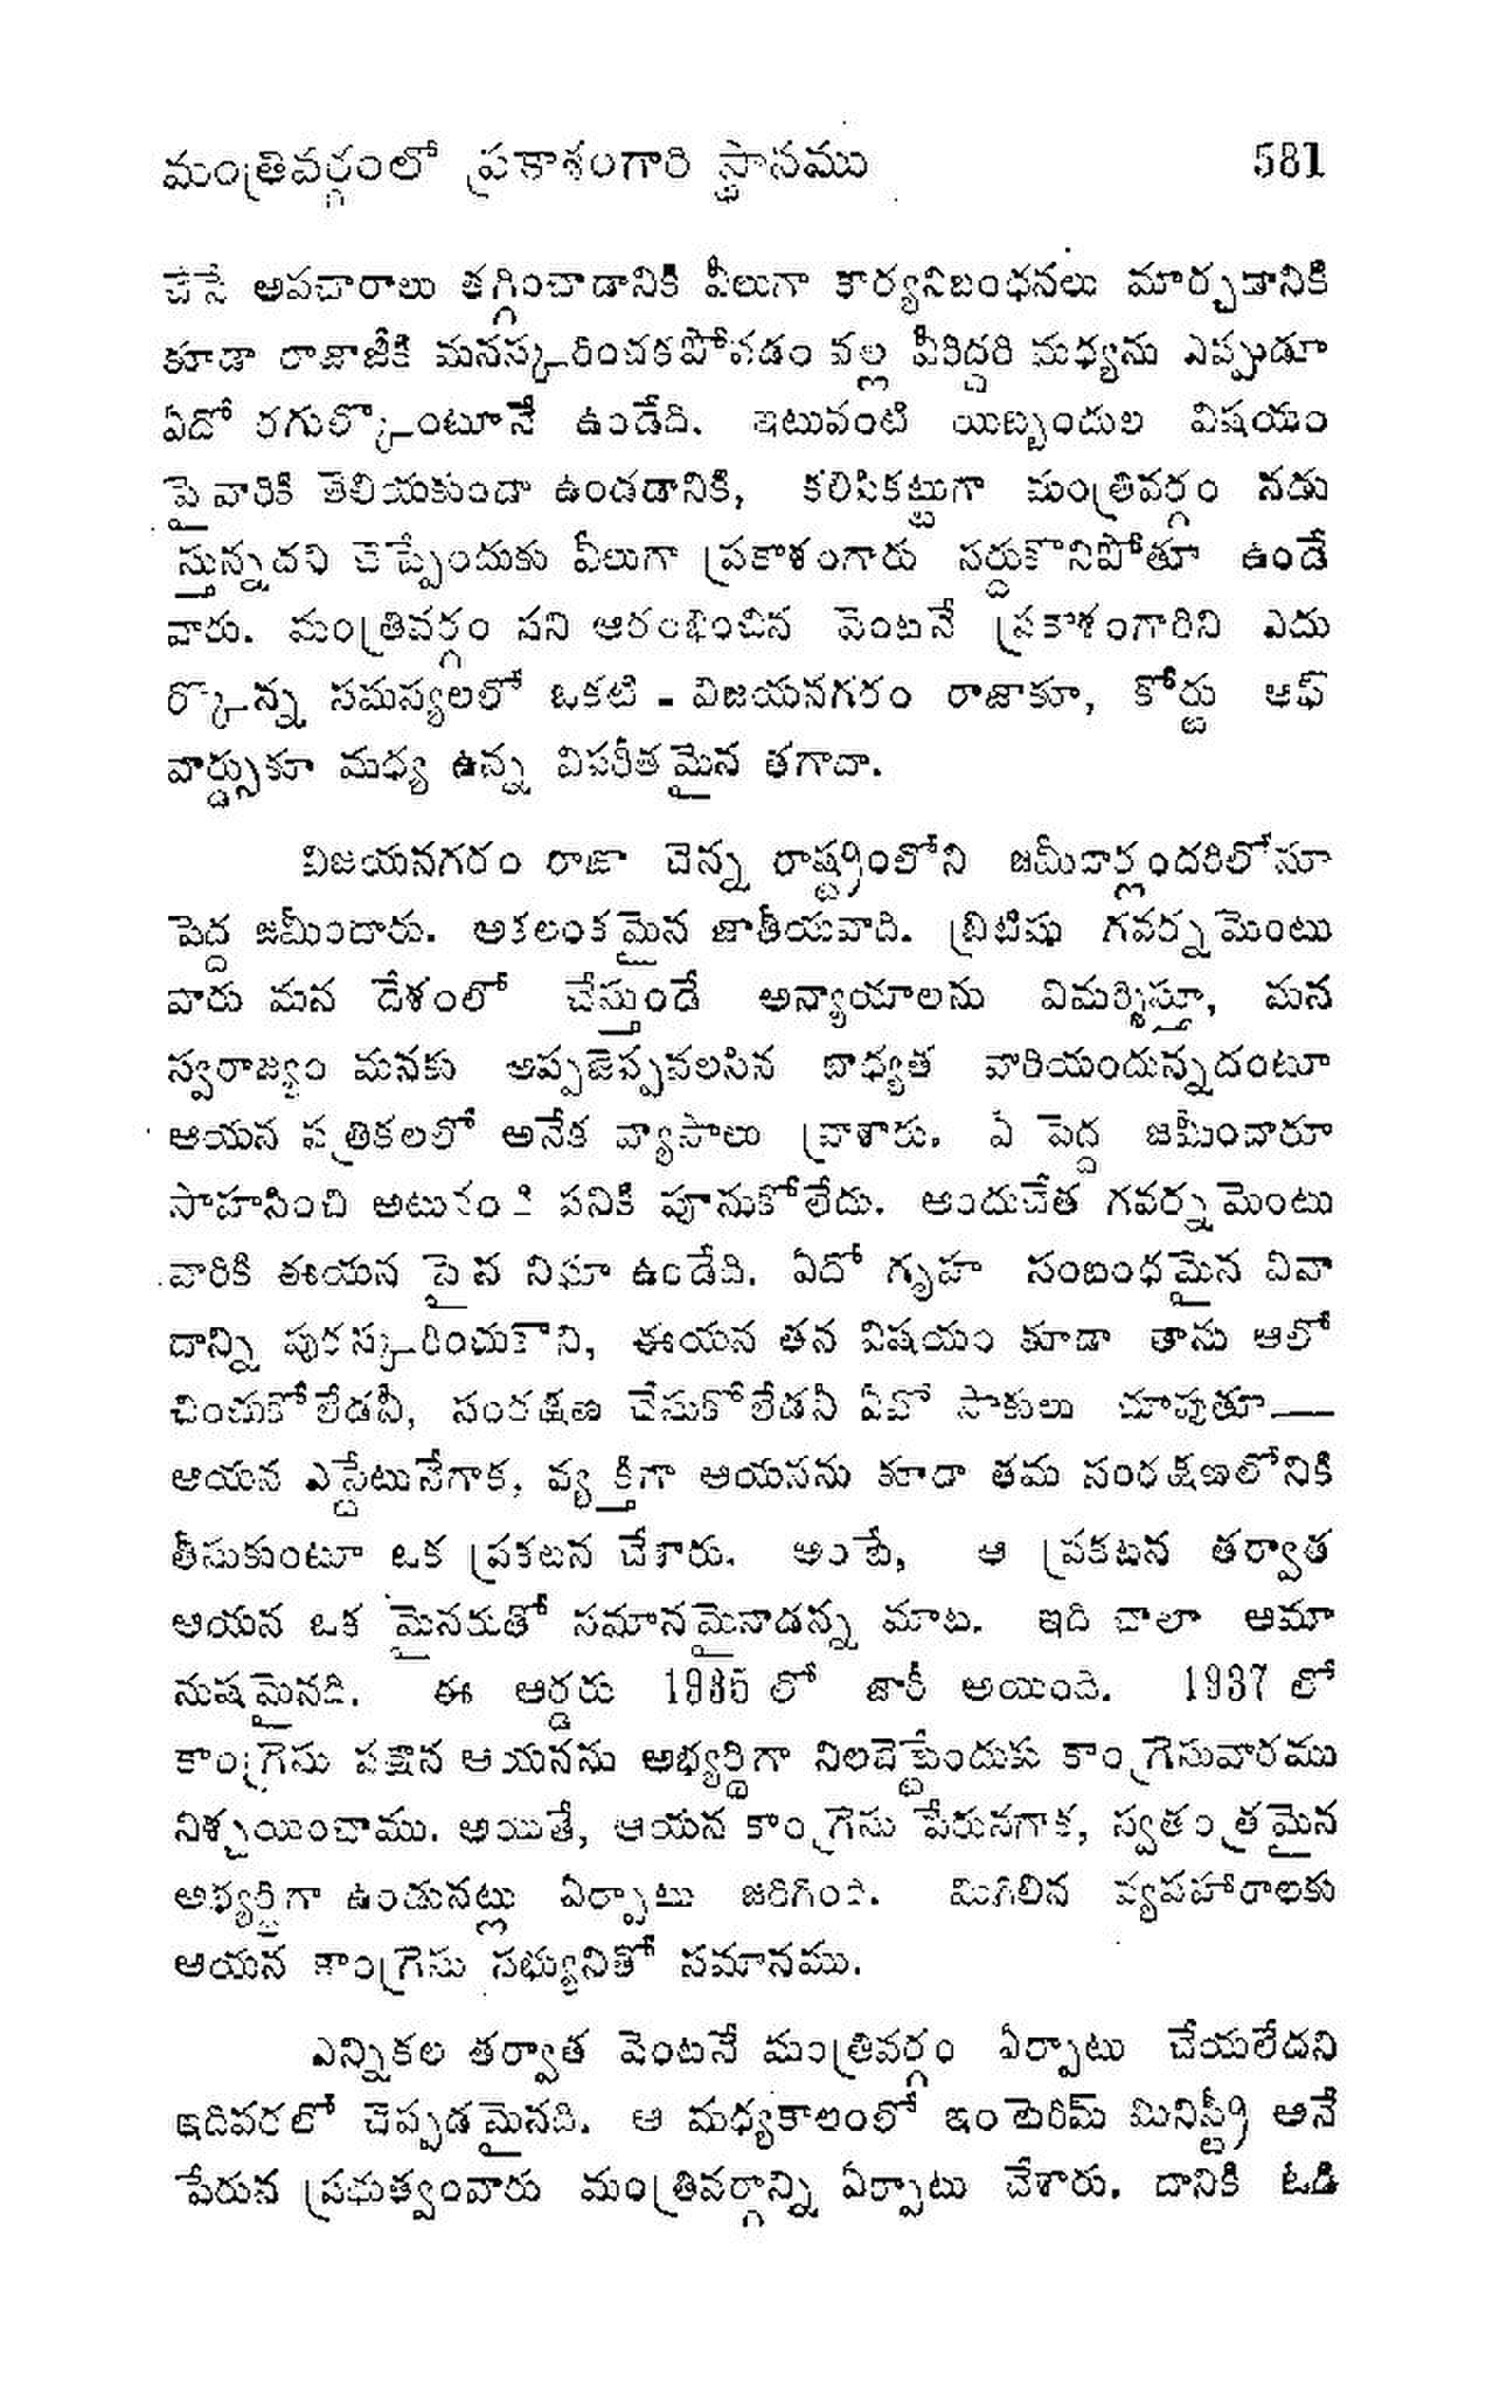చేసే అపచారాలు తగ్గించడానికి వీలుగా కార్యనిబంధనలు మార్చడానికి కూడా రాజాజీకి మనస్కరించకపోవడం వల్ల వీరిద్దరి మధ్యను ఎప్పుడూ ఏదో రగుల్కొంటూనే ఉండేది. ఇటువంటి యిబ్బందుల విషయం పైవారికి తెలియకుండా ఉండడానికి, కలిసికట్టుగా మంత్రివర్గం నడుస్తున్నదని చెప్పేందుకు వీలుగా ప్రకాశంగారు సర్దుకొనిపోతూ ఉండేవారు. మంత్రివర్గం పని ఆరంభించిన వెంటనే ప్రకాశంగారిని ఎదుర్కొన్న సమస్యలలో ఒకటి - విజయనగరం రాజాకూ, కోర్టు ఆఫ్ వార్డ్సుకూ మధ్య ఉన్న విపరీతమైన తగాదా.

విజయనగరం రాజా చెన్న రాష్ట్రంలోని జమీందార్లందరిలోనూ పెద్ద జమీందారు. అకలంకమైన జాతీయవాది. బ్రిటిషు గవర్నమెంటువారు మన దేశంలో చేస్తుండే అన్యాయాలను విమర్శిస్తూ, మన స్వరాజ్యం మనకు అప్పజెప్పవలసిన బాధ్యత వారియందున్నదంటూ ఆయన పత్రికలలో అనేక వ్యాసాలు వ్రాశారు. ఏ పెద్ద జమీందారూ సాహసించి అటువంటి పనికి పూనుకోలేదు. అందుచేత గవర్నమెంటువారికి ఈయన పైన నిఘా ఉండేది. ఏదో గృహ సంబంధమైన వివాదాన్ని పురస్కరించుకొని, ఈయన తన విషయం కూడా తాను ఆలోచించుకోలేడనీ, సంరక్షణ చేసుకోలేడనీ ఏవో సాకులు చూపుతూ - ఆయన ఎస్టేటునేగాక, వ్యక్తిగా ఆయనను కూడా తమ సంరక్షణలోనికి తీసుకుంటూ ఒక ప్రకటన చేశారు. అంటే, ఆ ప్రకటన తర్వాత ఆయన ఒక మైనరుతో సమానమైనాడన్న మాట.ఇది చాలా అమానుషమైనది. ఈ ఆర్డరు 1935 లో జారీ అయింది. 1937 లో కాంగ్రెసు పక్షాన ఆయనను అభ్యర్థిగా నిలబెట్టేందుకు కాంగ్రెసువారము నిశ్చయించాము. అయితే, ఆయన కాంగ్రెసు పేరునగాక, స్వతంత్రమైన అభ్యర్థిగా ఉండునట్లు ఏర్పాటు జరిగింది. మిగిలిన వ్యవహారాలకు ఆయన కాంగ్రెసు సభ్యునితో సమానము.

ఎన్నికల తర్వాత వెంటనే మంత్రివర్గం ఏర్పాటు చేయలేదని ఇదివరలో చెప్పడమైనది. ఆ మధ్యకాలంలో ఇంటెరిమ్ మినిస్ట్రీ అనే పేరున ప్రభుత్వంవారు మంత్రివర్గాన్ని ఏర్పాటు చేశారు. దానికి ఓడి